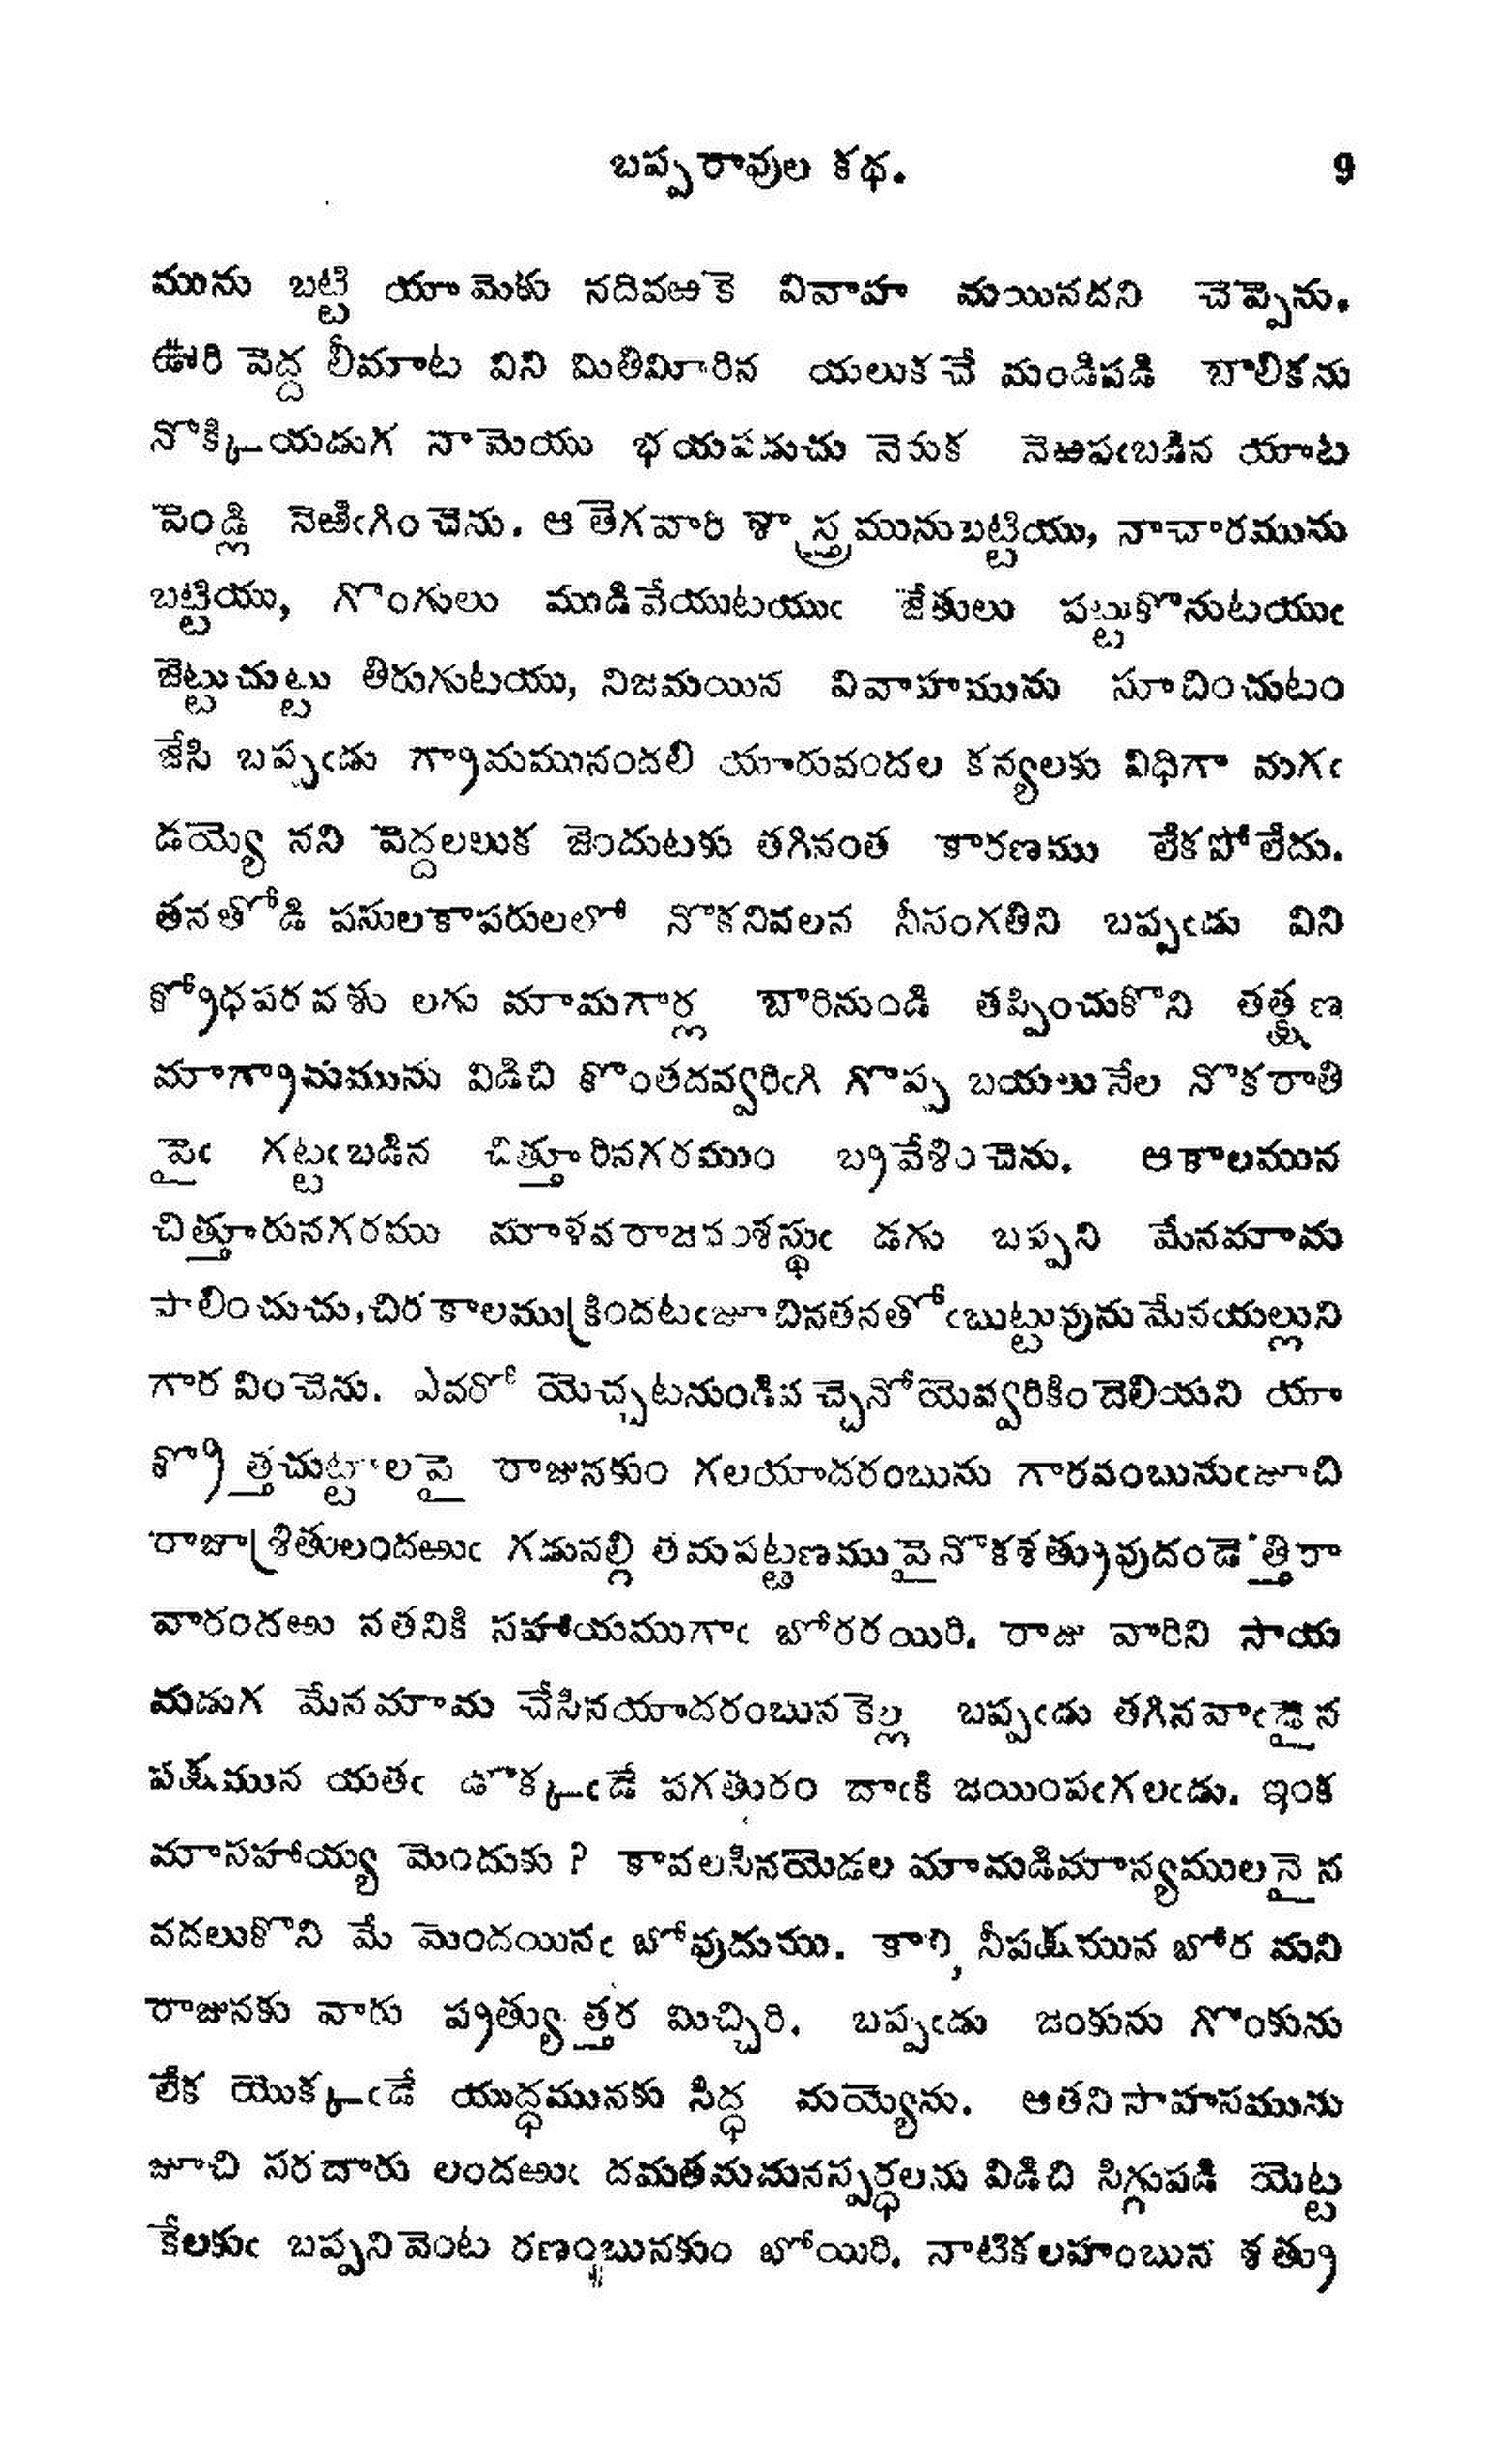మును బట్టి యామెకు నదివఱకె వివాహ మయినదని చెప్పెను.ఊరి పెద్ద లీమాట విని మితిమీరిన యలుకచే మండిపడి బాలికను నొక్కి యడుగ నామెయు భయపడుచు నెనుక నెఱపఁబడిన యాట పెండ్లి నెఱిఁగించెను. ఆ తెగవారి శాస్త్రమును బట్టియు, నాచారమును
బట్టియు, గొంగులు ముడి వేయుటయుఁ జేతులు పట్టుకొనుటయుఁ జెట్టు చుట్టు తిరుగుటయు, నిజమయిన వివాహమును సూచించుటం జేసి బప్పఁడు గ్రామమునందలి యారువందల కన్యలకు విధిగా మగఁ డయ్యె నని పెద్దలలుక జెందుటకు తగినంత కారణము లేకపోలేదు. తనతోడి పసులకాపరులలో నొకనివలన నీసంగతిని బప్పఁడు విని క్రోధ పరవశు లగు మామగార్ల బారినుండి తప్పించుకొని తత్వణ మాగ్రామమును విడిచి కొంతదవ్వరిఁగి గొప్ప బయలు నేల నొక రాతి పైఁ గట్టఁబడిన చిత్తూరినగరముం బ్రవేశిం చెను, ఆకాలమున చిత్తూరునగరము మాళవ రాజవంశస్థుఁ డగు బప్పని మేనమామ పాలించుచు, చిరకాలము క్రిందటఁజూ చినతన తోఁబుట్టువును మేనయల్లుని గారవించెను. ఎవరో యెచ్చటనుండి వచ్చెనో యెవ్వరికిం దెలియని యా క్రోత్తచుట్టా లపై రాజునకుం గలయాదరంబును గారవంబునుఁజూచి 'రాజాశ్రితులందఱుఁ గడునల్లి తమపట్టణము పై నొకశత్రువుదండెత్తిరా వారందఱు నతనికి సహాయముగాఁ బోరరయిరి. రాజు వారిని సాయ మడుగ మేనమామ చేసిన యాదరంబున కెల్ల బప్పఁడు తగినవాఁడైన పక్షమున యతఁ డొక్కఁడే పగతురం దాఁకి జయింపఁగలఁడు. ఇంక
మాసహాయ్య మెందుకు? కావలసినయెడల మామడిమాన్యములనైన వదలుకొని మే మెందయినఁ బోవుదుము. కాని, నీపక్షమున బోర మని రాజునకు వారు ప్రత్యుత్తర మిచ్చిరి. బప్పఁడు జంకును గొంకును లేక యొక్కఁడే యుద్ధమునకు సిద్ధ మయ్యెను. ఆతని సాహసమును
జూచి సరదారు లందఱుఁ దమతమ మనస్పర్ధలను విడిచి సిగ్గుపడి యెట్టకేలకుఁ బప్పని వెంట రణంబునకుం బోయిరి. నాటికలహంబున శత్రు